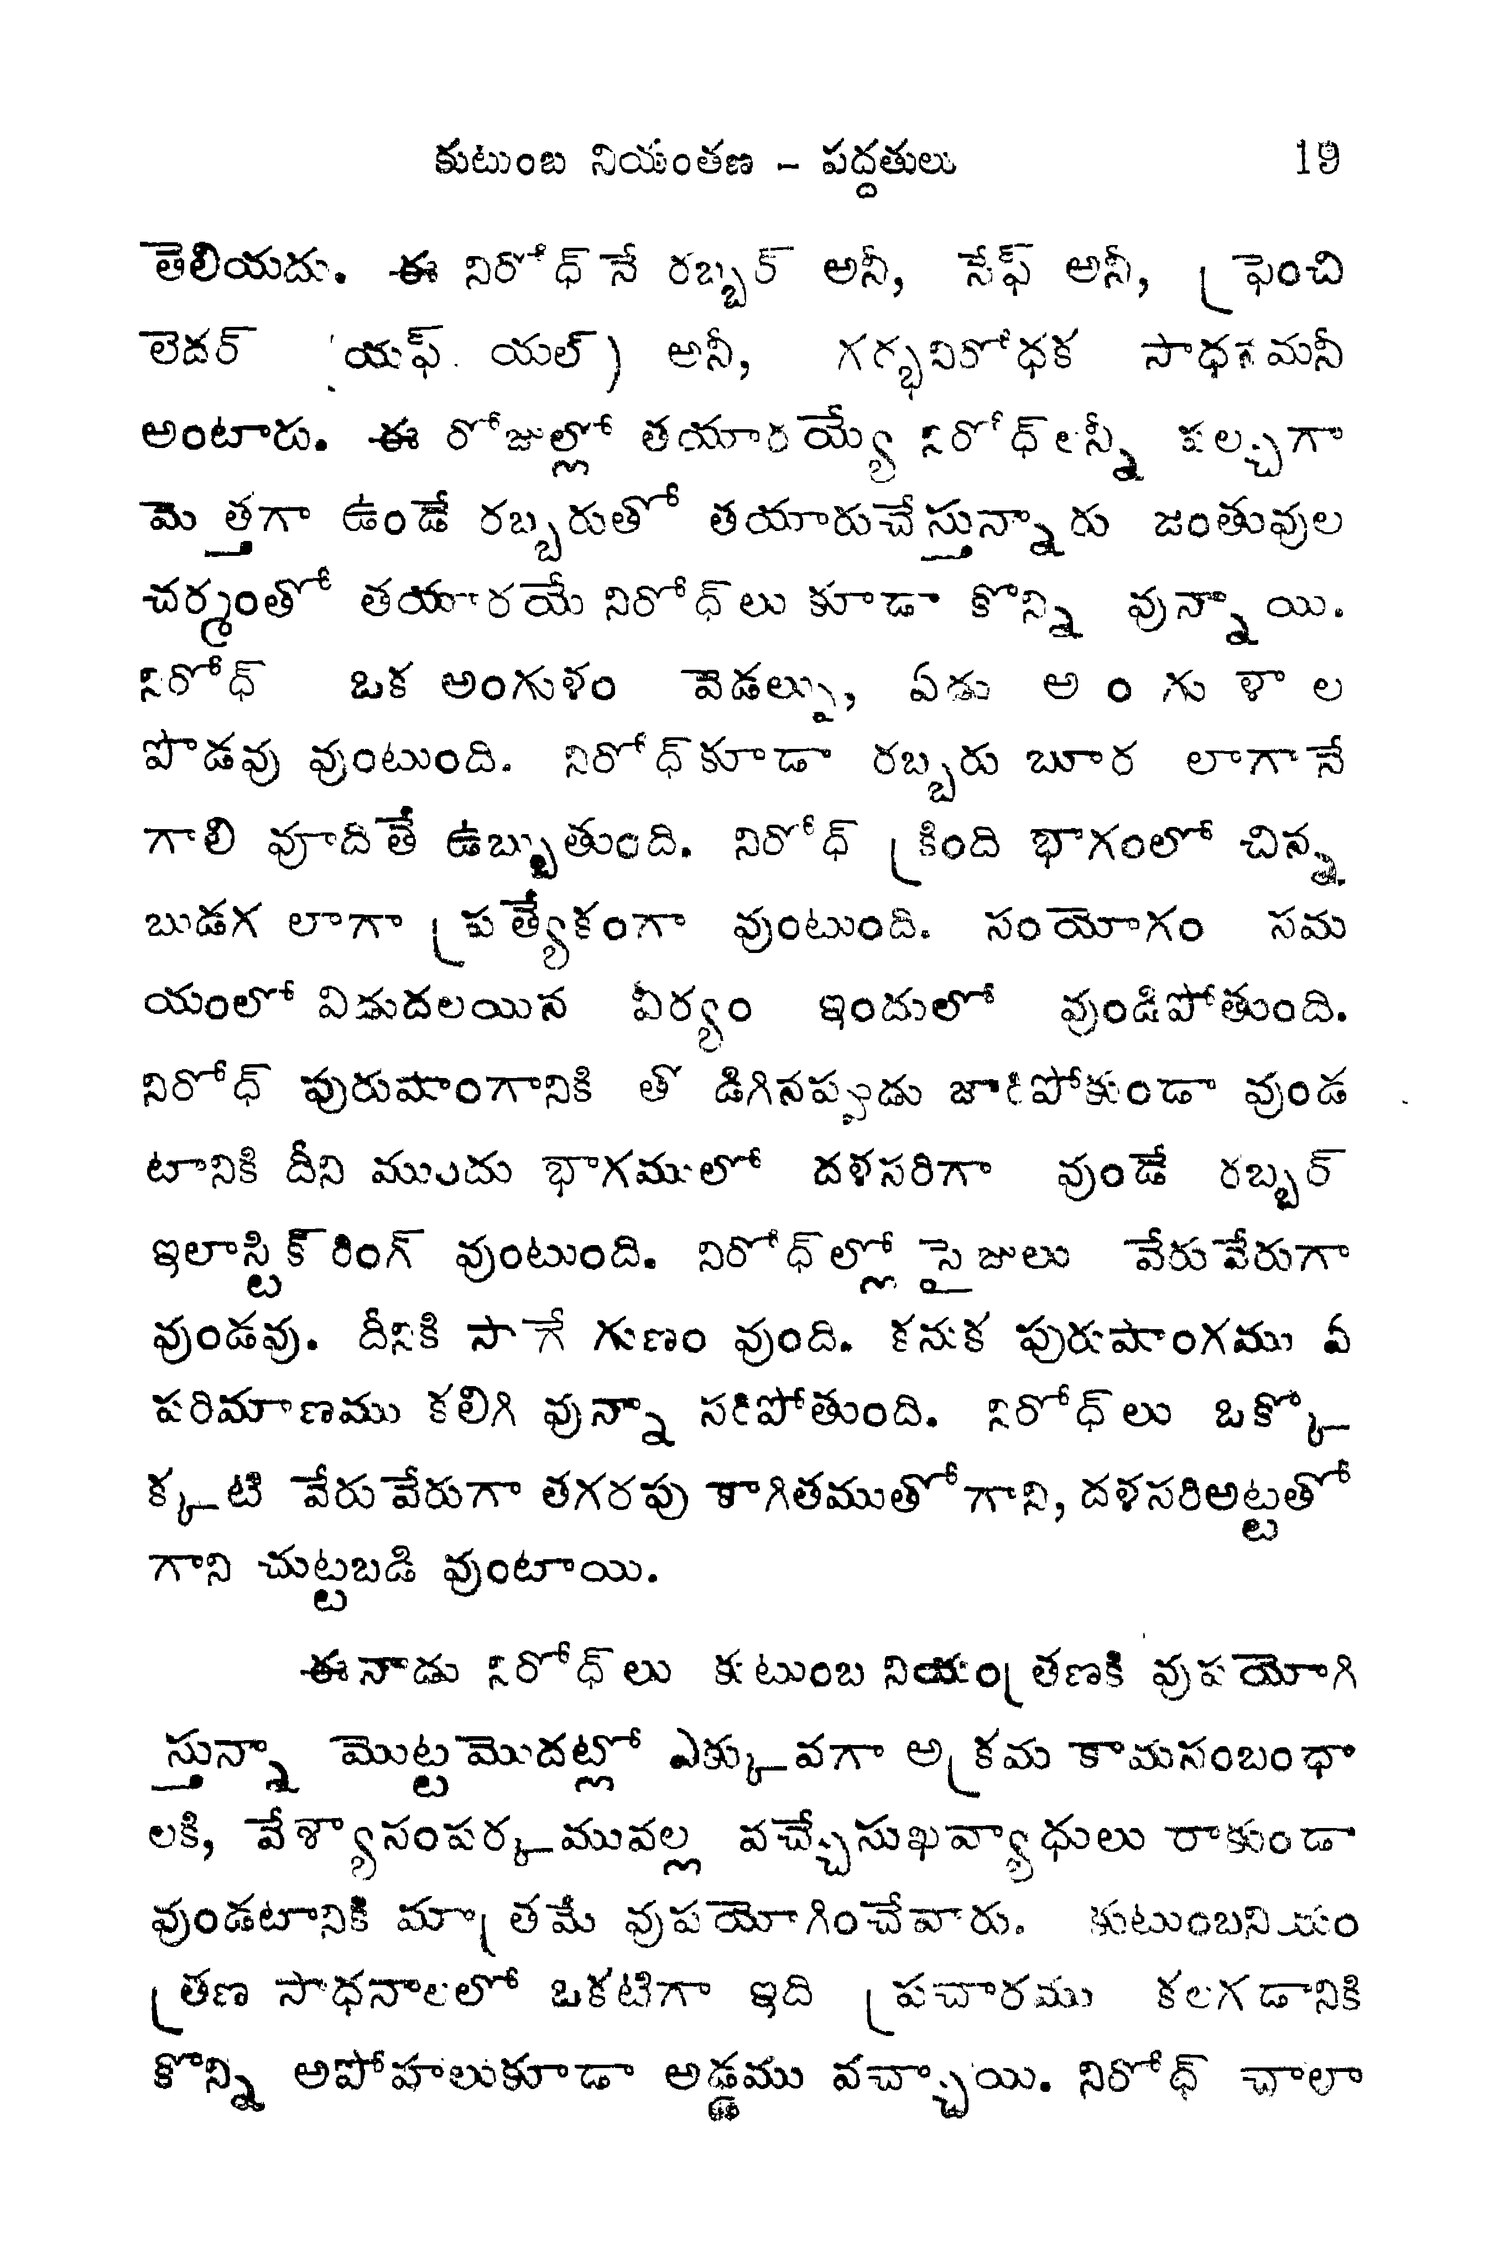తెలియదు. ఈ నిరోద్‌నే రబ్బర్ అనీ, సేఫ్ అనీ, ఫ్రెంచి లెదర్ (యఫ్ యల్) అనీ. గర్భనిరోధక సాధనమనీ అంటారు. ఈ రోజుల్లో తయారయ్యే నిరోద్ లన్నీ పల్చగా మెత్తగా ఉండే రబ్బరుతో తయారుచేస్తున్నారు. జంతువుల చర్మంతో తయారయే నిరోధ్‌లు కూడా కొన్ని వున్నాయి. నిరొద్ ఒక అంగుళం వెడల్పు, ఏడు అంగుళాల పొడవు వుంటుంది. నిరోధ్ కూడా రబ్బరు బూర లాగానే గాలి వూదితే ఉబ్బుతుంది. నిరోద్ క్రింది భాగంలో చిన్న బుడగ లాగా ప్రత్యేకంగా వుంటుంది. సంయోగం సమయంలో విడుదలయిన వీర్యం ఇందులో వుండిపోతుంది. నిరోద్ పురుషాంగానికి తొడిగినప్పుడు జారిపోకుండా వుండటానికి దీని ముందు భాగములో దళసరిగా వుండే రబ్బర్ ఇలాస్టిక్ రింగ్ వుంటుంది. నిరోధ్‌ల్లో సైజులు వేరువేరుగా వుండవు. దీనికి సాగే గుణం వుంది. కనుక పురుషాంగంము ఏ పరిమాణము కలిగి వున్నా సరిపోతుంది. నిరోధ్‌లు ఒక్కొక్కటి వేరువేరుగా తగరపు కాగితముతో గాని, దళసరిఅట్టతోగాని చుట్టబడి వుంటాయి.

ఈనాడు నిరోధ్‌లు కుటుంబనియంత్రణకి వుపయోగిస్తున్నా మొట్టమొదట్లో ఎక్కువగా అక్రమ కామసంబంధాలకి, వేశ్యాసంపర్కమువల్ల వచ్చేసుఖవ్యాధులు రాకుండా వుండటానికి మాత్రమే వుపయోగించేవారు. కుటుంబనియంత్రణ సాధనాలలో ఒకటిగా ఇది ప్రచారము కలగడానికి కొన్ని ఆపోహలుకూడా అడ్దము వచ్చాయి. నిరోధ్ చాలా